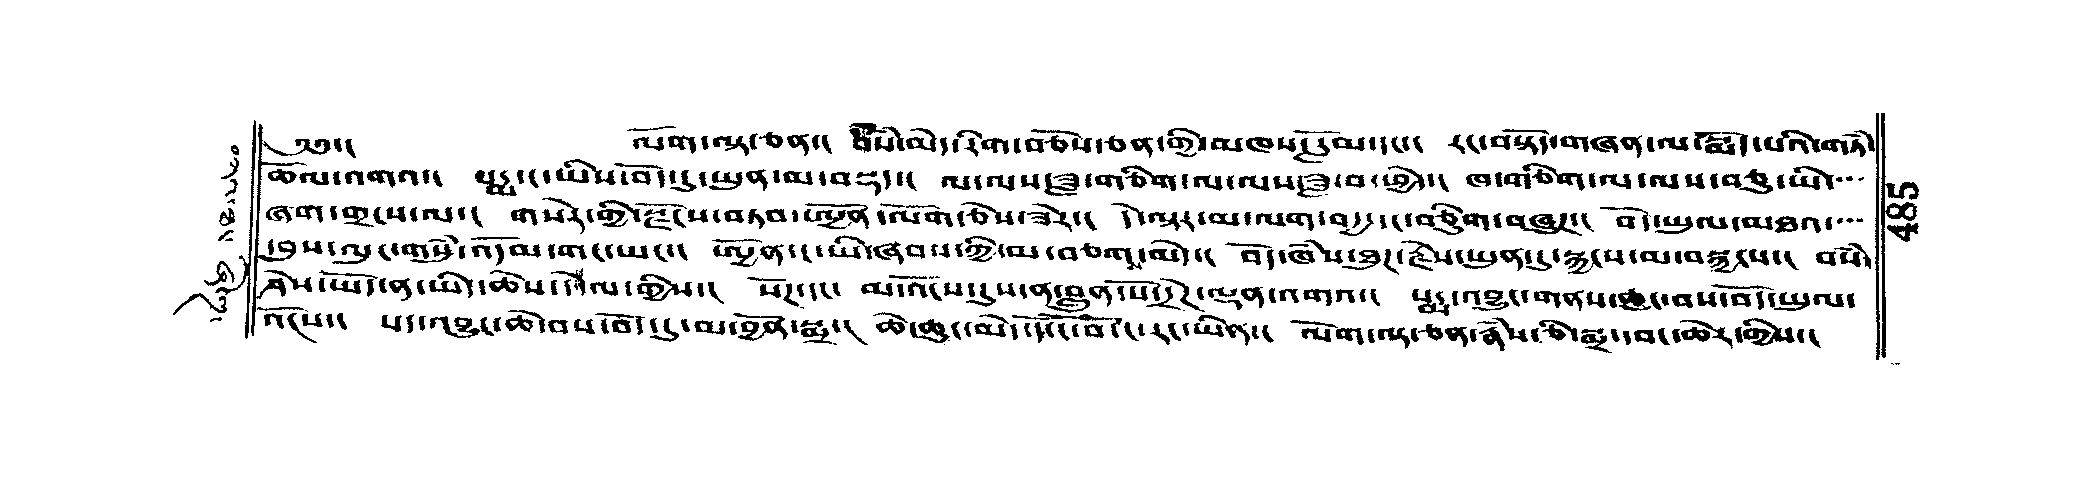ལོག་ལྟ་ཅན། །བསམ་མེད་རིག་བཅོས་ཅན་གྱི་མཁས་རློམ་དང་། །རང་བསྟོད་གཞན་ལ་སྨོད་པའི་གཏམ་
ཆོལ་འགའ། །པདྨ་ང་ཡིས་བོད་དུ་ཡུན་མ་བསྡད། །ལ་ལས་ཟླ་གཅིག་ལ་ལས་ཟླ་བ་ཕྱེད། །ཁ་གཅིག་ལ་ལས་བཅུ་ཡི་
ཞག་གྲངས་ལ། །གསེར་གྱི་རྫོངས་བཏབ་ཨོ་རྒྱན་ལོག་ཅེས་ཟེར། །དེ་ལྟར་མ་ལགས་བརྒྱ་དང་བཅུ་གཅིག་བཞུགས། །བོད་ཡུལ་མཐའ་
དབུས་ལུང་གསུམ་འདོམ་གང་ཡང་། །ཨོ་རྒྱན་ང་ཡི་ཞབས་ཀྱི་མ་བཅགས་མེད། །བོད་ཁམས་ཐུགས་རྗེ་ཡུན་དུ་བསྐྱངས་མ་བསྐྱངས། །བསམ་
ཤེས་ཡོད་ན་ཡིད་ཆེས་དེ་ལ་གྱིས།སོགས་དང་། མ་འོངས་དུས་ན་བླུན་པོ་དྲེགས་ལྡན་འགའ། །པདྨ་འབྱུང་གནས་ཆུང་བས་བོད་ཡུལ་
འོངས། །པད་འབྱུང་ཆེ་བ་བོད་དུ་མ་བྱོན་སྨྲ། །ཆེ་ཆུང་མེད་དོ་ངོ་བོ་ང་རང་ཡིན། །ལོག་ལྟ་ཅན་རྣམས་ཅི་སྨྲ་དབང་ཆེར་གྱིས།